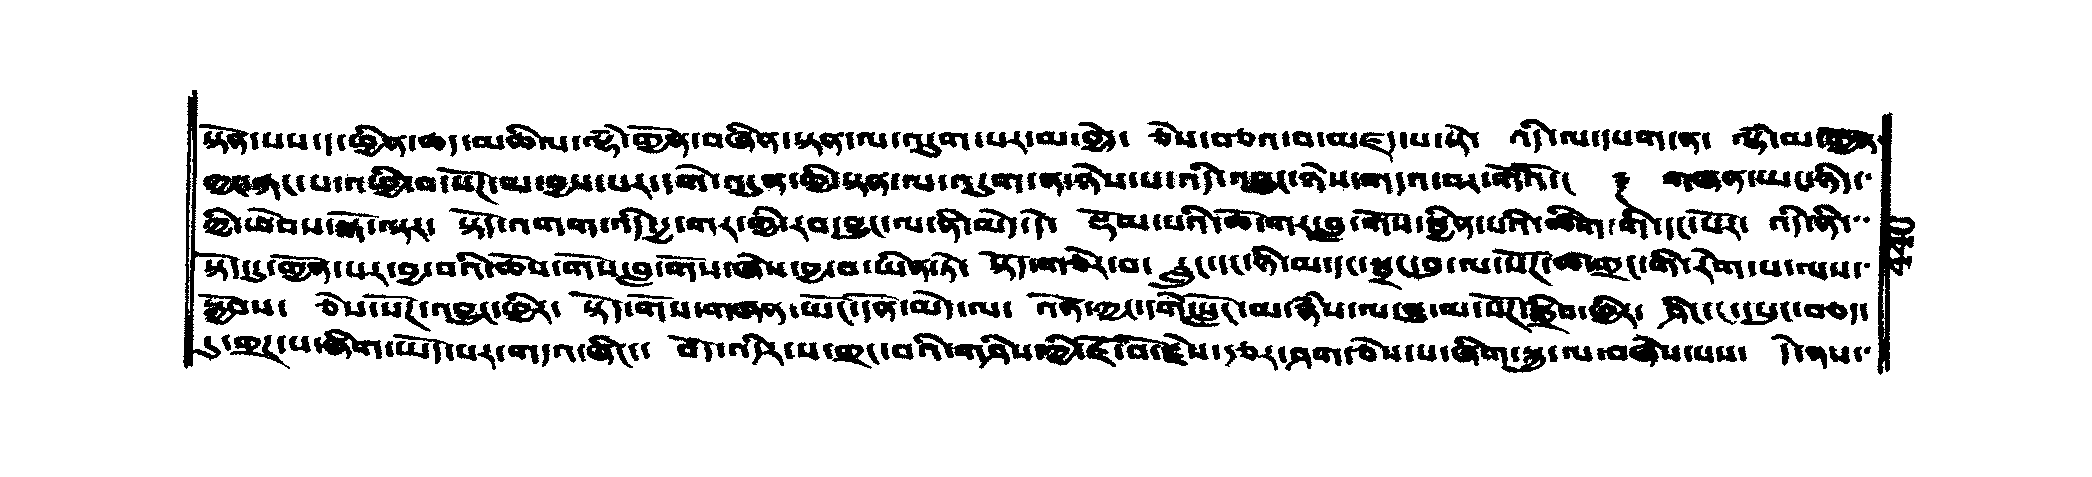སྟོན་པས་ད་ཕྱིན་ཆད་མཆིལ་ལྷམ་གྱོན་བཞིན་སྟན་ལ་འདུག་པར་མི་བྱེད་ཅེས་བཅའ་བ་མཛད་པ་སྟེ། འདི་ལ་དཔགས་ན། ལྷམ་མ་གྱོན་
ཀྱང་རྐང་པ་འཕྱི་བ་སོགས་མ་བྱས་པར་དགེ་འདུན་གྱི་སྟན་ལ་འདུག་ན་ཉེས་པ་འདི་འབྱུང་ཉེས་གདའ་བར་གོའོ།། གཞན་ཡང་ཉིད་
ཀྱི་ཕེབས་སྒོ་ལྟར། སྟོད་འགག་འདི་རྒྱ་གར་གྱི་རབ་བྱུང་ལ་ནི་མེད་དེ།སྡོམ་པའི་ཆོ་གར་བླ་གོས་སྦྱིན་པའི་ཚིག་གི་དང་པོར། འདི་ནི་
སྟོད་དུ་གྱོན་པར་བྱ་བའི་ཆོས་གོས་བླ་གོས་ཞེས་བྱ་བ་ཡིན་ཏེ། སྟོད་གཅེར་བ། རླུང་དང་ཉི་མ་དང་སྦྲང་བུ་ལ་སོགས་ཚ་གྲང་གི་རེག་པ་ལས་
སྐྱོབས། ཅེས་སོགས་འབྱུང་ཕྱིར། སྟོད་གོས་གཞན་ཡོང་དོན་མེད་ལ། འོན་ཀྱང་དགེ་སློང་མ་རྣམས་ལ་ནུ་མ་སོགས་སྒྲིབ་ཕྱིར་ཤིང་ང་དཔུང་བཅད་
དུ་གྲགས་པ་ཞིག་ཡོད་པར་གདའ་ཞིང་། བོད་འདིར་ས་གྲང་བའི་གཤིས་ཀྱི་ཇོ་བོ་རྗེས་རྩར་ཤག་ཅེས་པ་ཞིག་སྐུ་ལ་བཞེས་པས། དེ་ནས་